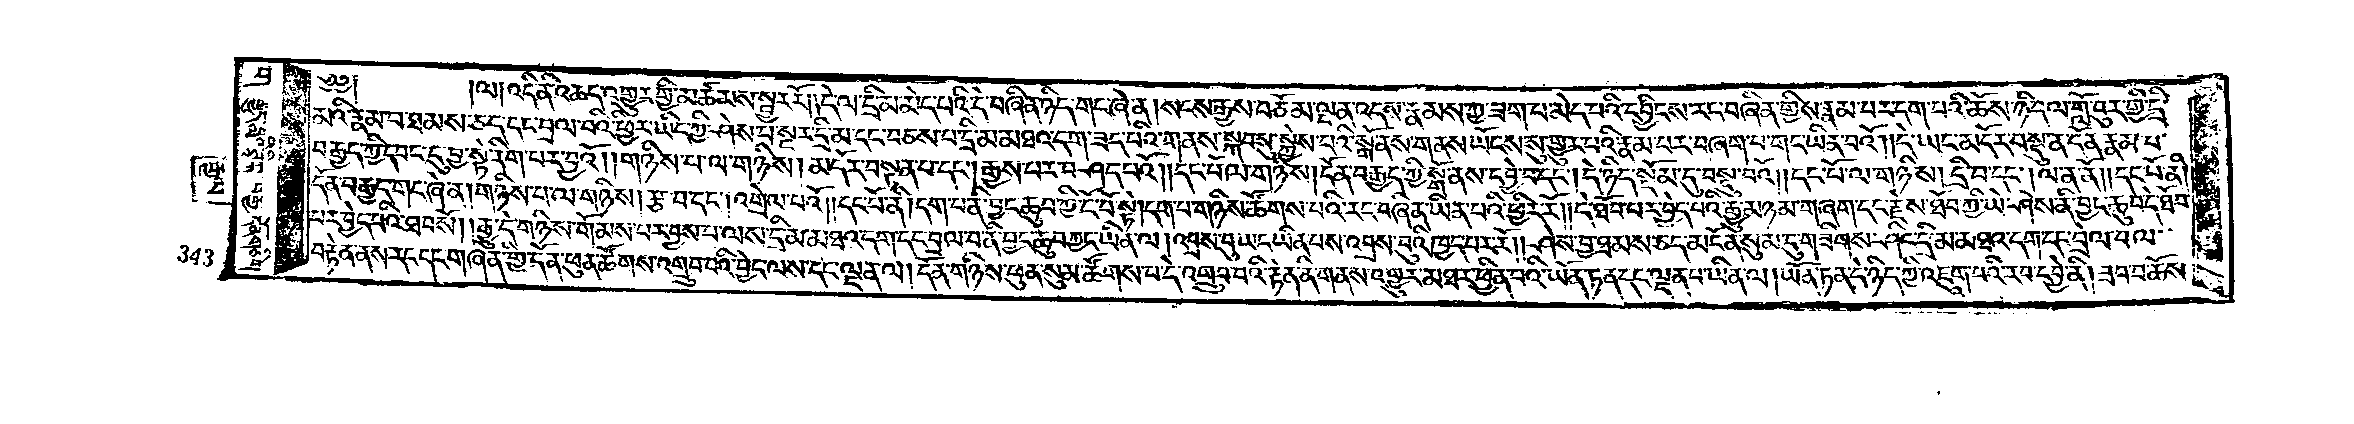༄༅། །ལ༑ འདི་ནི་འཆད་འགྱུར་གྱི་མཚམས་སྦྱར་རོ། །དེ་ལ་དྲི་མ་མེད་པའི་དེ་བཞིན་ཉིད་གང་ཞེ་ན། སངས་རྒྱས་བཅོམ་ལྡན་འདས་རྣམས་ཀྱི་ཟག་པ་མེད་པའི་དབྱིངས་རང་བཞིན་གྱིས་རྣམ་པར་དག་པའི་ཆོས་ཉིད་ལ་གློ་བུར་གྱི་དྲི་
མའི་རྣམ་པ་ཐམས་ཅད་དང་བྲལ་བའི་ཕྱིར་ཡིད་ཀྱི་ཤེས་པ་སྔར་དྲི་མ་དང་བཅས་པ་དྲི་མ་མཐའ་དག་ཟད་པའི་གནས་སྐབས་སུ་སྐྱེས་པའི་སྒོ་ནས་གནས་ཡོངས་སུ་གྱུར་པའི་རྣམ་པར་བཞག་པ་གང་ཡིན་པའོ། །དེ་ཡང་མདོར་བསྡུ་ན་དོན་རྣམ་པ་
བརྒྱད་ཀྱི་དབང་དུ་བྱ་སྟེ་རིག་པར་བྱའོ། །གཉིས་པ་ལ་གཉིས། མདོར་བསྟན་པ་དང་། རྒྱས་པར་བཤད་པའོ། །དང་པོ་ལ་གཉིས། དོན་བརྒྱད་ཀྱི་སྒོ་ནས་དབྱེ་བ་དང་། དེ་ཉིད་སྡོམ་དུ་བསྡུ་བའོ། །དང་པོ་ལ་གཉིས། དྲི་བ་དང་། ལན་ནོ། །དང་པོ་ནི།
དོན་བརྒྱད་གང་ཞེ་ན། གཉིས་པ་ལ་གཉིས། རྩ་བ་དང་། འགྲེལ་པའོ། །དང་པོ་ནི། དག་པ་ནི་བྱང་ཆུབ་ཀྱི་ངོ་བོ་སྟེ། དག་པ་གཉིས་ཚོགས་པའི་རང་བཞིན་ཡིན་པའི་ཕྱིར་རོ། །དེ་ཐོབ་པར་བྱེད་པའི་རྒྱུ་མཉམ་གཞག་དང་རྗེས་ཐོབ་ཀྱི་ཡེ་ཤེས་ནི་བྱང་ཆུབ་དེ་ཐོབ་
པར་བྱེད་པའི་ཐབས་སོ། །རྒྱུ་དེ་གཉིས་གོམས་པར་བྱས་པ་ལས་དྲི་མ་མཐའ་དག་དང་བྲལ་བ་ནི་བྱང་ཆུབ་ཀྱང་ཡིན་ལ། འབྲས་བུ་ཡང་ཡིན་པས་འབྲས་བུའི་ཁྱད་པར་རོ། །ཤེས་བྱ་ཐམས་ཅད་མངོན་སུམ་དུ་གཟིགས་ཤིང་དྲི་མ་མཐའ་དག་དང་བྲེལ་བལ་
བརྟེན་ནས་རང་དང་གཞན་གྱི་དོན་ཕུན་ཚོགས་འགྲུབ་པའི་བྱེད་ལས་དང་ལྡན་ལ། དོན་གཉིས་ཕུན་སུམ་ཚོགས་པ་དེ་འགྲུབ་པའི་རྟེན་ནི་གནས་འགྱུར་མཐར་ཕྱིན་པའི་ཡོན་ཏན་དང་ལྡན་པ་ཡིན་ལ། ཡོན་ཏན་དེ་ཉིད་ཀྱི་འཇུག་པའི་རབ་དབྱེ་ནི། ཟབ་པ་ཆོས་